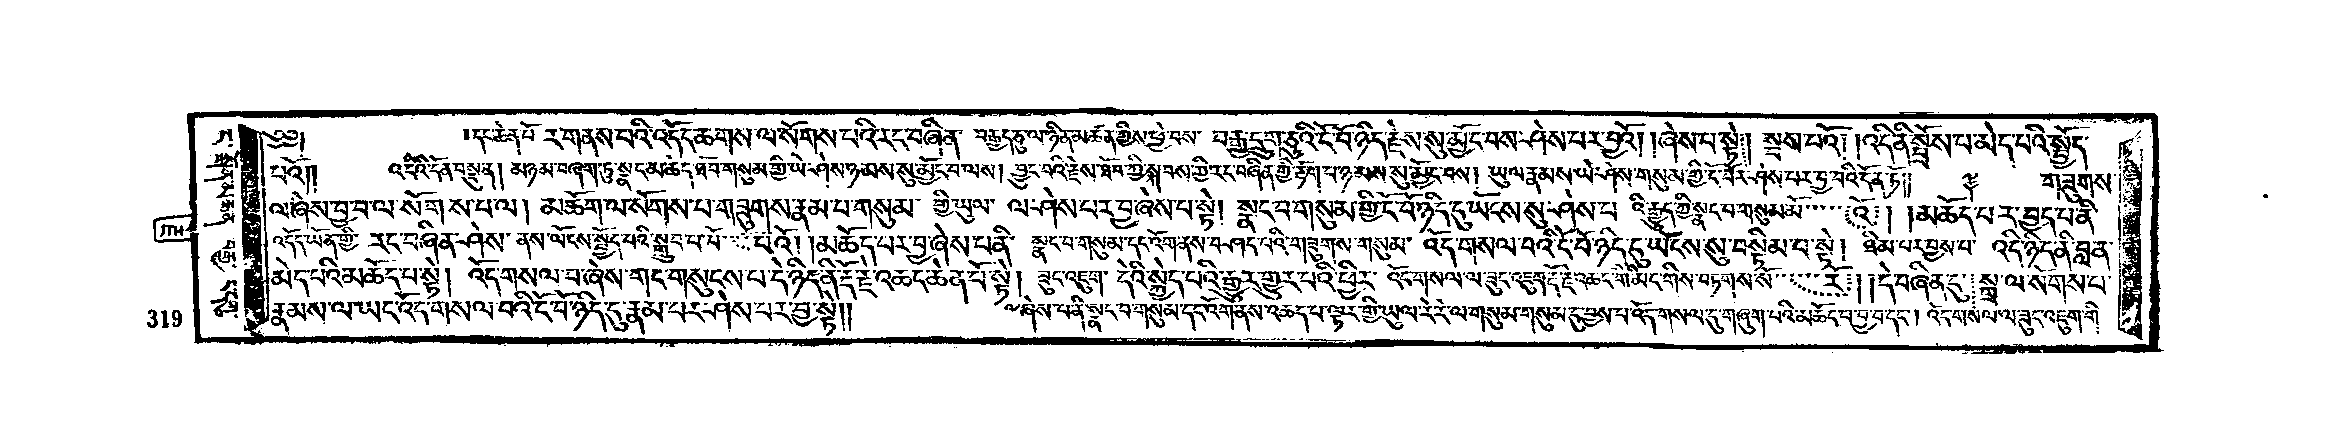༄༅། །དང་ཆེན་པོར་གནས་པའི་འདོད་ཆགས་ལ་སོགས་པའི་རང་བཞིན་བརྒྱད་ཅུ་ལ་ཉིན་མཚན་གྱིས་ཕྱེ་བས་བརྒྱ་དྲུག་ཅུའི་ངོ་བོ་ཉིད་རྗེས་སུ་མྱོང་བས་ཤེས་པར་བྱའོ། །ཞེས་པ་སྟེ། སྦས་པའོ། །འདི་ནི་སྤྲོས་པ་མེད་པའི་སྤྱོད་
པའོ།། འདིའི་དོན་བསྡུ་ན། མཉམ་བཞག་ཏུ་སྣང་མཆེད་ཐོབ་གསུམ་གྱི་ཡེ་ཤེས་ཉམས་སུ་མྱོང་བ་ལས། བྱུང་བའི་རྗེས་ཐོབ་ཀྱི་སྐབས་ཀྱི་རང་བཞིན་གྱི་རྟོག་པ་ཉམས་སུ་མྱོང་བས། ཡུལ་རྣམས་ཡེ་ཤེས་གསུམ་གྱི་ངོ་བོར་ཤེས་པར་བྱ་བའི་དོན་ཏོ།།  ༈ གཟུགས་
ལ་ཞེས་བྱ་བ་ལ་སོགས་པ་ལ། མཆོག་ལ་སོགས་པ་གཟུགས་རྣམ་པ་གསུམ་གྱི་ཡུལ་ལ་ཤེས་པར་བྱ་ཞེས་པ་སྟེ། སྣང་བ་གསུམ་གྱི་ངོ་བོ་ཉིད་དུ་ཡོངས་སུ་ཤེས་པའི་རྒྱུད་ཀྱི་སྣང་བ་གསུམ་མོ་འོ། །མཆོད་པར་བྱེད་པ་ནི།
འདོད་ཡོན་གྱི་རང་བཞིན་ཤེས་ནས་ལོངས་སྤྱོད་པའི་སྒྲུབ་པ་པོ་པའོ། །མཆོད་པར་བྱ་ཞེས་པ་ནི་སྣང་བ་གསུམ་དང་འོག་ནས་བཤད་པའི་གཟུགས་གསུམ་འོད་གསལ་བའི་ངོ་བོ་ཉིད་དུ་ཡོངས་སུ་བསྟིམ་པ་སྟེ། ཐིམ་པར་བྱས་པ་འདི་ཉིད་ནི་བླ་ན་
མེད་པའི་མཆོད་པ་སྟེ། འོད་གསལ་བ་ཞེས་གང་གསུངས་པ་དེ་ཉིད་ནི་རྡོ་རྗེ་འཆང་ཆེན་པོ་སྟེ། ཟུང་འཇུག་དེའི་སྐྱེད་པའི་རྒྱུར་གྱུར་པའི་ཕྱིར་འོད་གསལ་ལ་ཟུང་འཇུག་རྡོ་རྗེ་འཆང་གི་མིང་གིས་བཏགས་སོ་རོ། །དེ་བཞིན་དུ་སྒྲ་ལ་སོགས་པ་
རྣམས་ལ་ཡང་འོད་གསལ་བའི་ངོ་བོ་ཉིད་དུ་རྣམ་པར་ཤེས་པར་བྱ་སྟེ། ། ༧་ཞེས་པ་ནི་སྣང་བ་གསུམ་དང་འོག་ནས་འཆད་པ་ལྟར་གྱི་ཡུལ་རེ་རེ་ལ་གསུམ་གསུམ་དུ་བྱས་པ་འོད་གསལ་དུ་གཞུག་པའི་མཆོད་པ་བྱ་བ་དང་། འོད་གསལ་ལ་ཟུང་འཇུག་གི